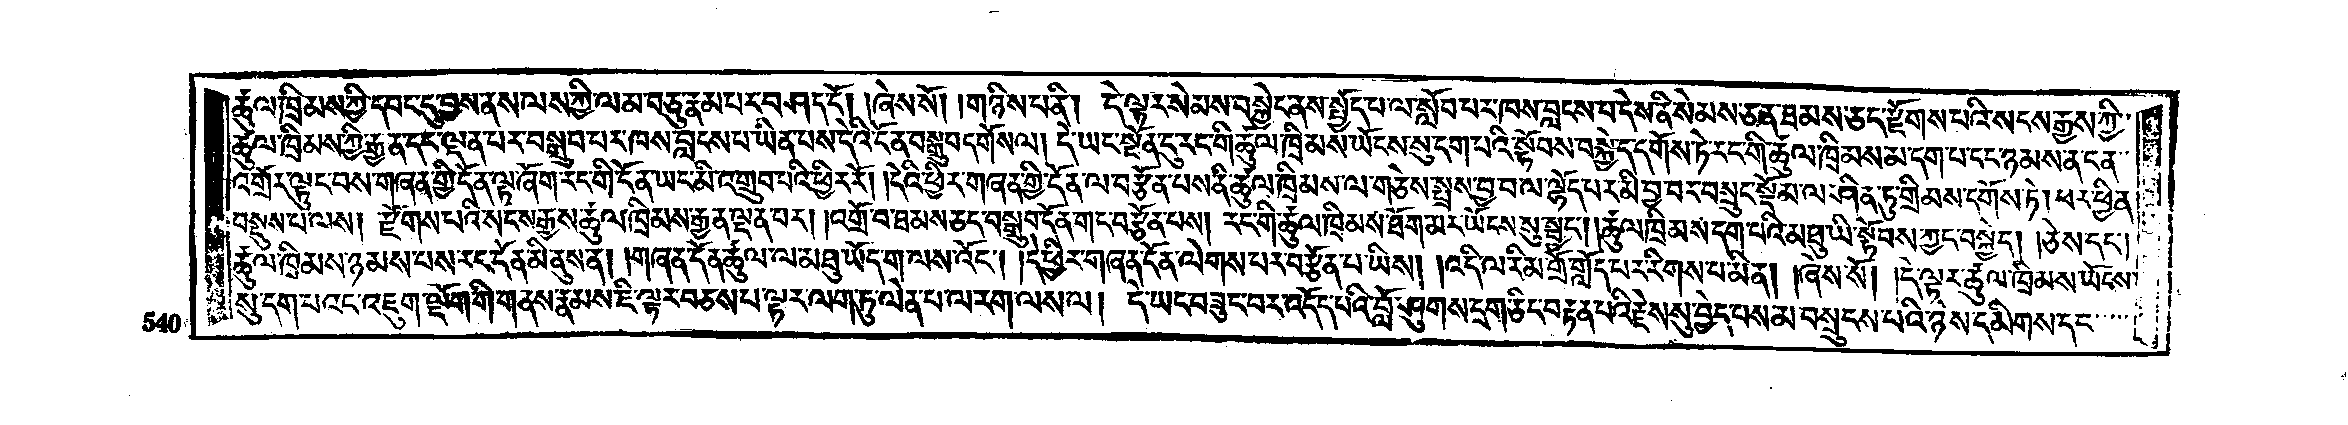ཚུལ་ཁྲིམས་ཀྱི་དབང་དུ་བྱས་ནས་ལས་ཀྱི་ལམ་བཅུ་རྣམ་པར་བཤད་དོ། །ཞེས་སོ། །གཉིས་པ་ནི། དེ་ལྟར་སེམས་བསྐྱེད་ནས་སྤྱོད་པ་ལ་སློབ་པར་ཁས་བླངས་པ་དེས་ནི་སེམས་ཅན་ཐམས་ཅད་རྫོགས་པའི་སངས་རྒྱས་ཀྱི་
ཚུལ་ཁྲིམས་ཀྱི་རྒྱན་དང་ལྡན་པར་བསྒྲུབ་པར་ཁས་བླངས་པ་ཡིན་པས་དེའི་དོན་བསྒྲུབ་དགོས་ལ། དེ་ཡང་སྔོན་དུ་རང་གི་ཚུལ་ཁྲིམས་ཡོངས་སུ་དག་པའི་སྟོབས་བསྐྱེད་དགོས་ཏེ་རང་གི་ཚུལ་ཁྲིམས་མ་དག་པ་དང་ཉམས་ན་ངན་
འགྲོར་ལྟུང་བས་གཞན་གྱི་དོན་ལྟ་ཞོག་རང་གི་དོན་ཡང་མི་འགྲུབ་པའི་ཕྱིར་རོ། །དེའི་ཕྱིར་གཞན་གྱི་དོན་ལ་བརྩོན་པས་ནི་ཚུལ་ཁྲིམས་ལ་གཅེས་སྤྲས་བྱ་བ་ལ་ལྷོད་པར་མི་བྱ་བར་བསྲུང་སྡོམ་ལ་ཤིན་ཏུ་གྲིམས་དགོས་ཏེ། ཕར་ཕྱིན་
བསྡུས་པ་ལས། རྫོགས་པའི་སངས་རྒྱས་ཚུལ་ཁྲིམས་རྒྱན་ལྡན་པར། །འགྲོ་བ་ཐམས་ཅད་བསྒྲུབ་དོན་གང་བརྩོན་པས། །རང་གི་ཚུལ་ཁྲིམས་ཐོག་མར་ཡོངས་སུ་སྦྱང་། །ཚུལ་ཁྲིམས་དག་པའི་མཐུ་ཡི་སྟོབས་ཀྱང་བསྐྱེད། །ཅེས་དང་།
ཚུལ་ཁྲིམས་ཉམས་པས་རང་དོན་མི་ནུས་ན། །གཞན་དོན་ཚུལ་ལ་མཐུ་ཡོད་ག་ལས་འོང་། །དེ་ཕྱིར་གཞན་དོན་ལེགས་པར་བརྩོན་པ་ཡིས། །འདི་ལ་རིམ་གྲོ་གློད་པར་རིགས་པ་མིན། །ཞེས་སོ། །དེ་ལྟར་ཚུལ་ཁྲིམས་ཡོངས་
སུ་དག་པའང་འཇུག་ལྡོག་གི་གནས་རྣམས་ཇི་ལྟར་བཅས་པ་ལྟར་ལག་ཏུ་ལེན་པ་ལ་རག་ལས་ལ། དེ་ཡང་བསྲུང་བར་འདོད་པའི་བློ་ཤུགས་དྲག་ཅིང་བརྟན་པའི་རྗེས་སུ་བྱེད་པས་མ་བསྲུངས་པའི་ཉེས་དམིགས་དང་